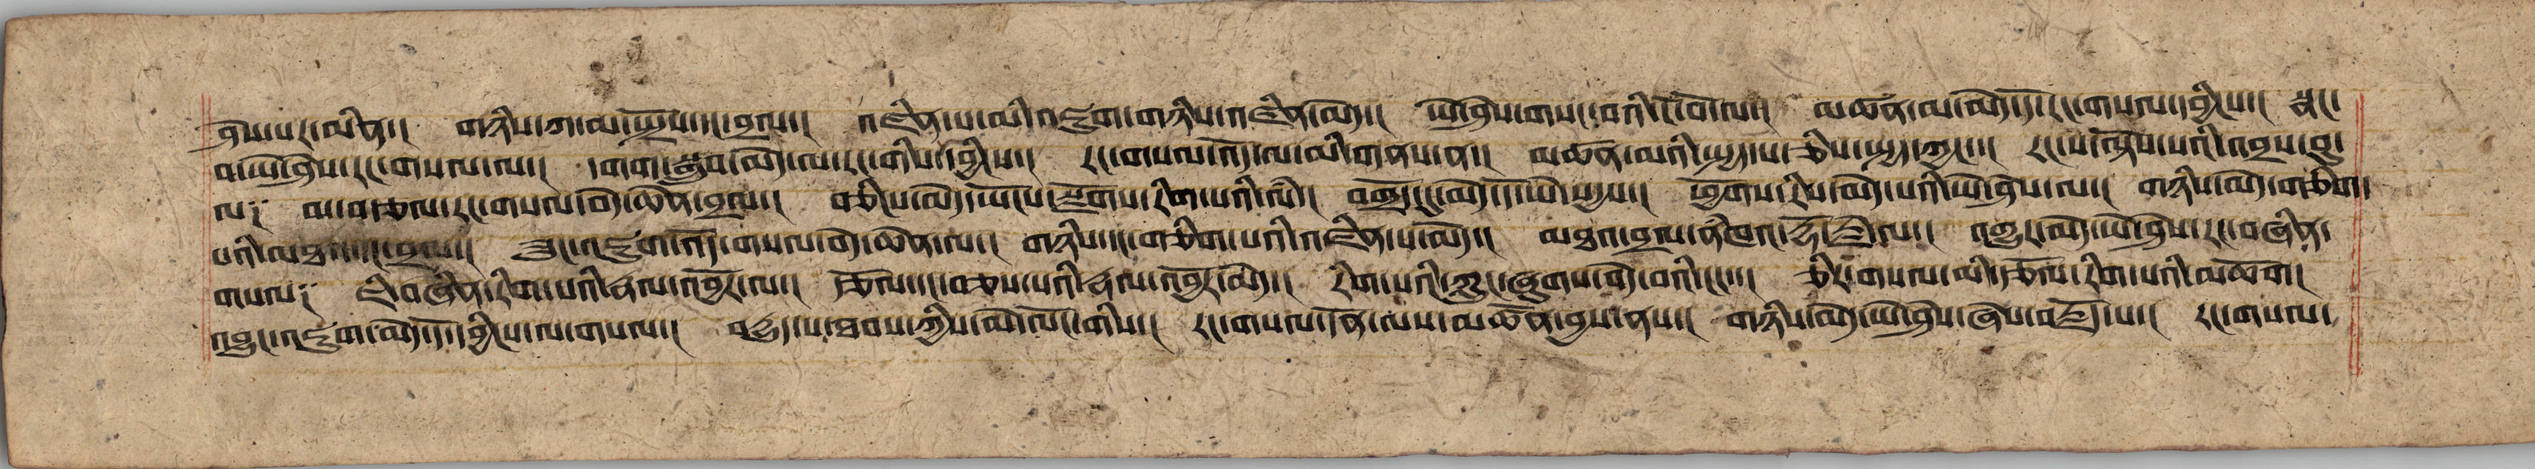ཤེས་པར་མིན་། གཉིས་ཀ་མ་སྤྲོས་དང་བྲལ་། འཛིན་པ་མི་འཇུག་གཉིས་འཛིན་མེད་། ཡེ་ཤེས་གསང་བའི་ངོ་བོ་ལ་། མཚན་མ་མེད་དོ་རང་གསལ་དབྱིངས་། སྣང་
བ་ཡེ་ཤེས་རང་གསལ་ལ་། དགག་སྒྲུབ་མེད་ལ་རང་གིས་དབྱིངས་། རང་གསལ་འོད་ལ་མི་གནས་ན་། མཚན་མའི་སྤྱད་པ་ཅིས་སྤྱད་ཀྱང་་། རང་ས་ལྟོས་པའི་འབྲས་བུ་
ལ༑ མ་བདཅལ་རང་གསལ་བདེ་ཆེན་བྲལ་། བཅིངས་མེད་ཡོངས་སྫོགས་རིག་པའི་ལཾ་། བགྲོད་དུ་མེད་དོ་ཡེ་སདྱས་། ཕྱོགས་རིས་མེད་པའི་ཡེ་ཤེས་ལ་། གཉིས་མེད་གཅིག་
པའི་མཐའ་དང་བྲལ་། ཟུང་འཇུག་འོད་གསལ་བདེ་ཆེན་ལ་། གཉིས་དང་གཅིག་པའི་འཛིན་པ་མེད་། མཐའ་བྲལ་ནཾཁའ་རྡོ་རྗེ་ལ་། འགྱུར་མེད་ཡེ་ཤེས་རང་བཞིན་
གསལ༑ ཇི་བཞིན་རིག་པའི་རྣལ་འབྱོར་ལ་། རྩོལ་དང་བཅས་པའི་རྣལ་འབྱོར་མེད་། རིག་པའི་ཀླུང་ཞུགས་བདེ་བའི་ངང་་། ཅིར་གསལ་མི་རྩོལ་རིག་པའི་མཆོག།
འབྱུང་འཇུག་མེད་དོ་དབྱིངས་ལ་གསལ་། བདྱུད་པ་ཐབས་ཀྱིས་མེ་ལོང་གིས་། རང་གསལ་དོན་ལས་མཚོན་བྱས་ནས་། གཉིས་མེད་ཡེ་ཤེས་ཞེས་བརྗོད་པ་། རང་གསལ་